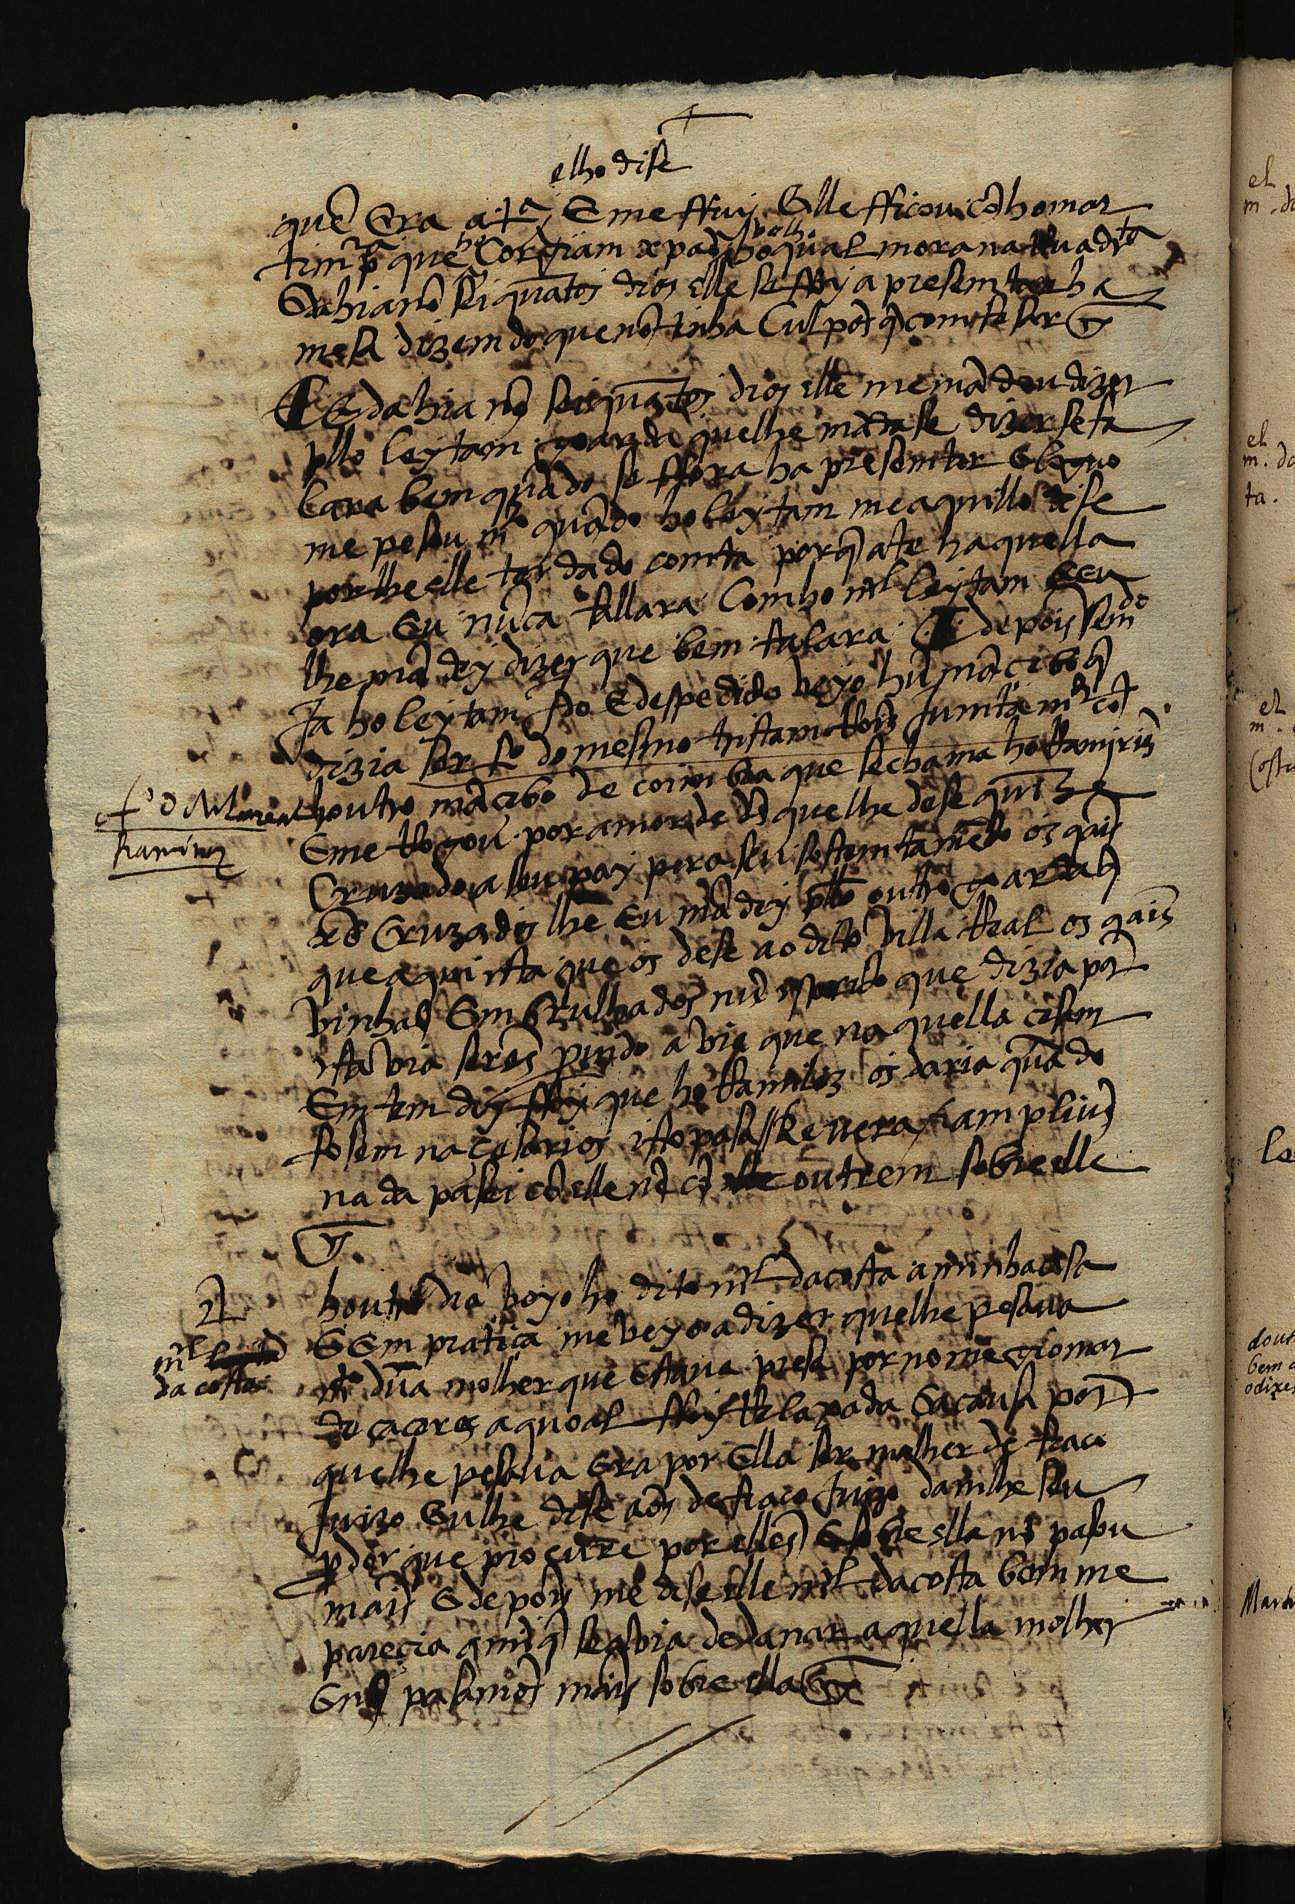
e lho dise
quē Era a ta, E me ffuy Elle fficou cō ho mar
velho
tim pra que he Corgiam xpaõ ho quaL mora na Rua drta
E dahi a nō sei quātos dias Elle se ffoy apresemtar ha
mesa dizemdo que nō tinha Culpas q̄ comfesar c̄ꝭ
E E dahi a nō sei qūatos dias Elle me mādou dizer
pllo leytam goarda que lhe mādase dizer se fa
lara bem quādo se ffora hapresemtar E loguo
me pesou mto quādo ho leytam me aquillo dise
por lhe elle ter dado comta porq̄ ate haquella
ora Eu nūca fallara Com ho mel leytam E Eu
lhe mādey dizer que bem falara E depois Vemdo
Ja ho leytam Jdo E despedido veyo hū mācebo q̄
dizia ser fo do mesmo tristam Roiz̄ Jumtamte cō
o fo de
Ramirez
houtro mācebo de coimbra que se chama ho Ramjris
E me Rogou por amor de ds̄ que lhe dese q̄uise
Cruzado a seu pay pera seu sostemtamēto os qāis
x̄b Cruzados lhe Eu mādey p̄llo outro goarda q̄
que aqui esta que os dese ao dito villa Real os qāis
vinhaõ Embrulhados nū esp?rito que dizia por
esta via seras ꝓuido avia que naquella casam
Emtemdey ffoy que ho Ramiliz os daria q̄uado
fosem nacesarios isto pasa // Reuera e amplius
nada pasei cō Elle nē cō _ outrem sobre elle
c̄ꝭ
houtro dia veyo ho dito mel da costa a minha casa
mel leytā
da costa
E Em pratica me veyo a dizer que lhe pesaua
mto dūa molher que Estaua presa por nome giomar
de caceres a quoaL ffoy Relaxada E a causa por
que lhe pesaua Era por Ella ser molher de fraco
Juizo Eu lhe dise aos de fraco Juizo damlhe seu
ꝓdor que procure por elles E sobre Ella nō pasou
mais E depois me dise elle mel da costa bem me
parecia a mī q̄ se avia de danar aquella molher
En q̄ pasamos mais sobre Ella c̄ꝭ
